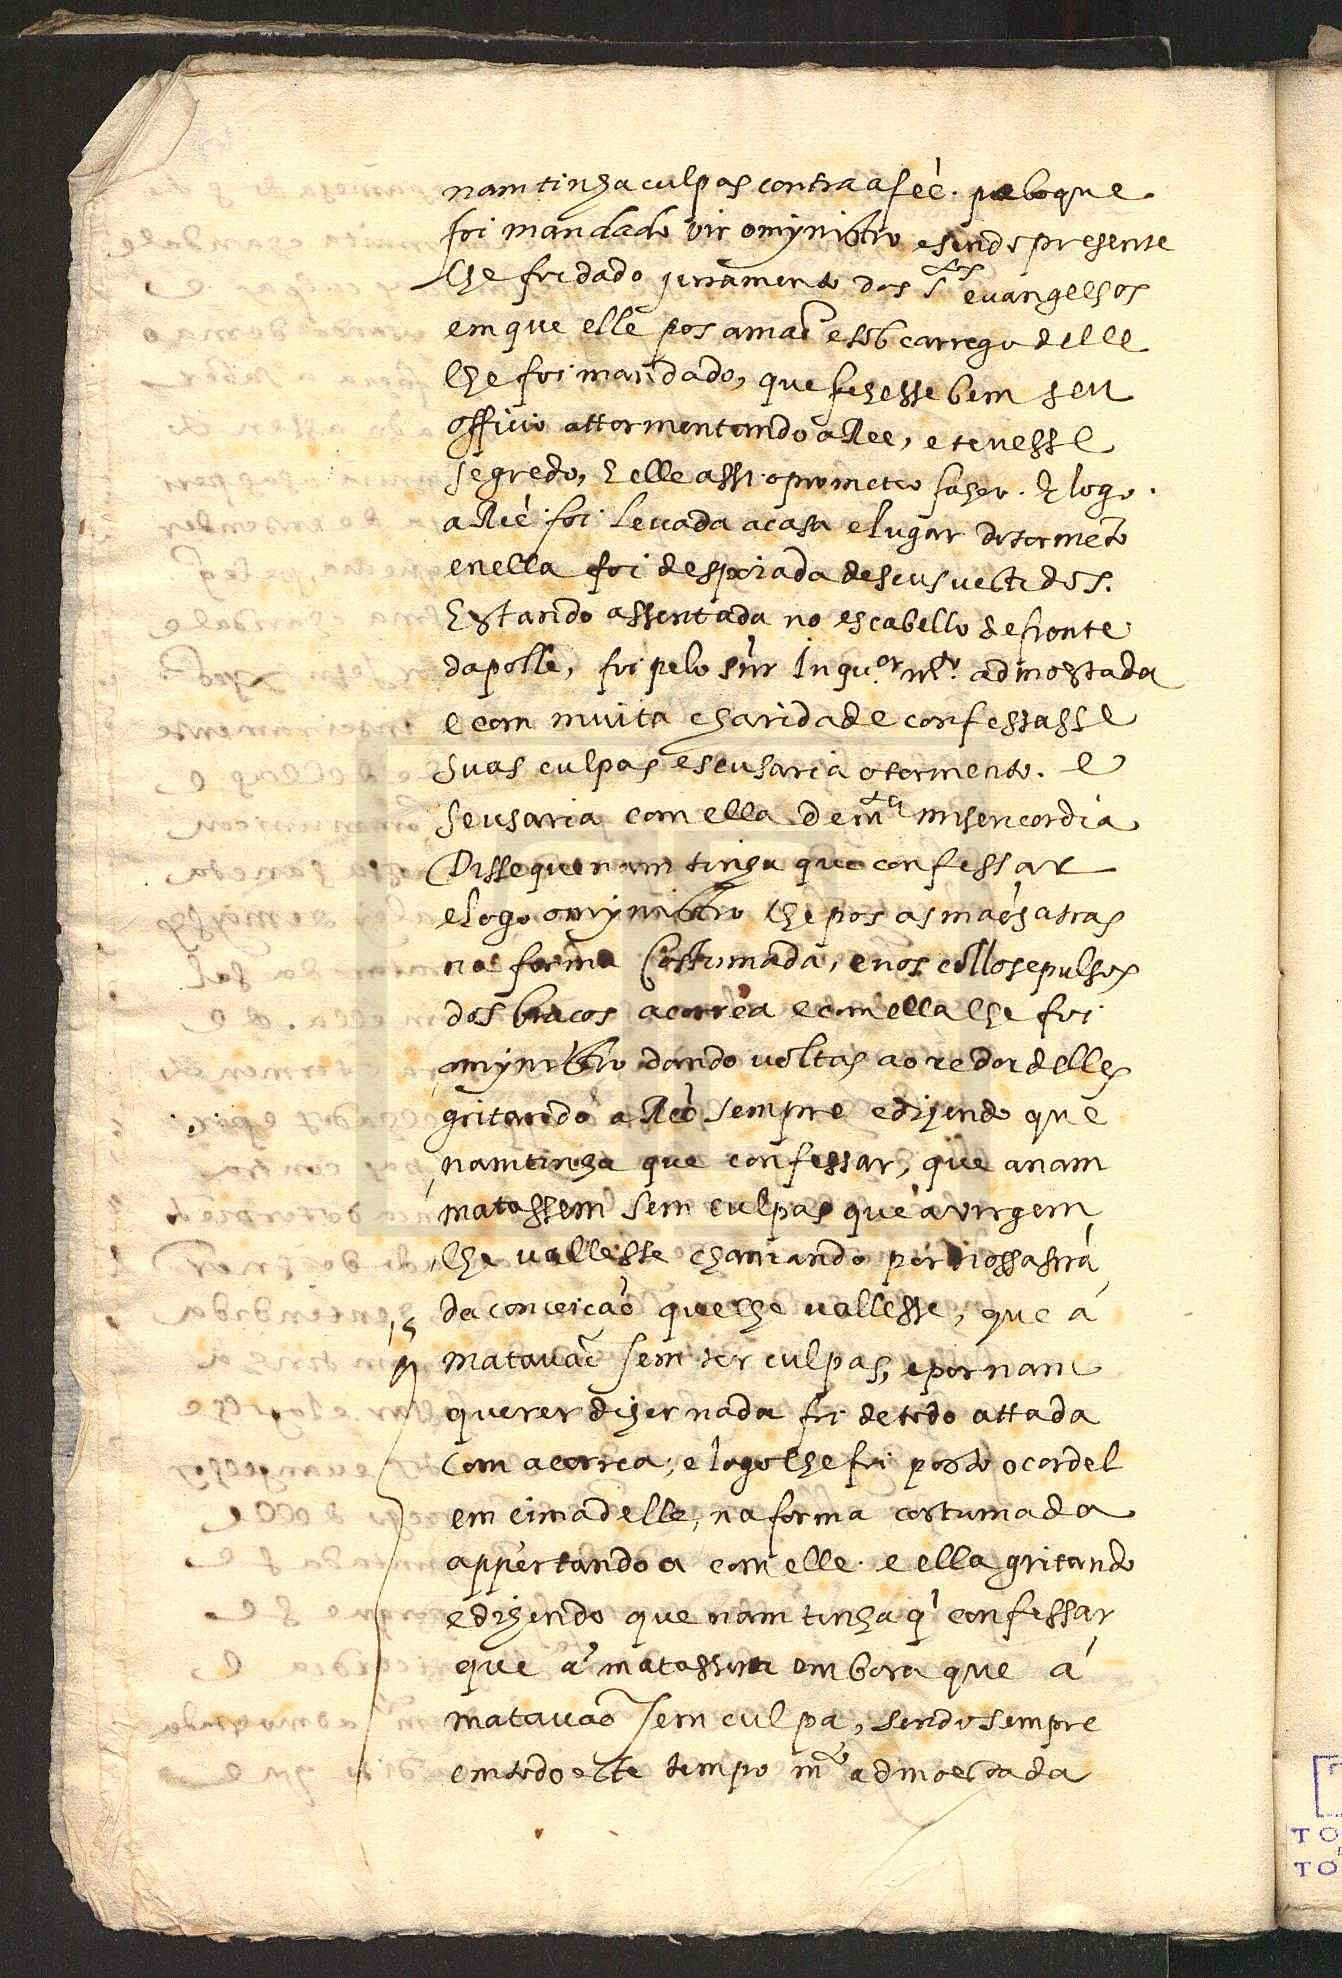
nam tinha culpas contra a feé. p_lo que
foi mandado vir o mynistro e sendo presente
lhe foi dado juramento dos stos euangelhos
em que elle pos a maõ e sob carrego delle
lhe foi mandado, que fezesse bem seu
officio attormentando a Ree, e teuesse
segredo, E elle assi o prometeo fazer. E logo.
a Reé. foi Leuada a casa e lugar de tormēto
e nella foi despoiada de seus uestidos.
Estando assentada no escabello defronte
da polle, foi pelo sn̄r Inqu.or mto. admoestada
e com muita charidade confessasse
suas culpas escusaria o tormento. E
se usaria com ella de mta misericordia
Disse que nam tinha que confessar
e logo o mynistro lhe pos as maõs atras
na forma Costumada, e nos collos e pulsos
dos bracos a correa e com ella lhe foi
o mynistro dando uoltas ao redor delles
gritando a Re_ sempre e dizendo que
nam tinha que confessar, que a nam
matassem sem culpas que a virgem
lhe ualesse chamando por nossa snā
da conceiçaõ que lhe uallesse, que á
matauaõ sem ter culpas, e por nam
querer dizer nada foi de todo attada
com a correa; e logo lhe foi posto o cordel
em çima della, na forma costumada
appertando a com elle. e ella gritando
e dizendo que nam tinha q̄ confessar
que á matassem embora que á
matauaõ sem culpa, sendo sempre
em todo este tempo mto admoestada
